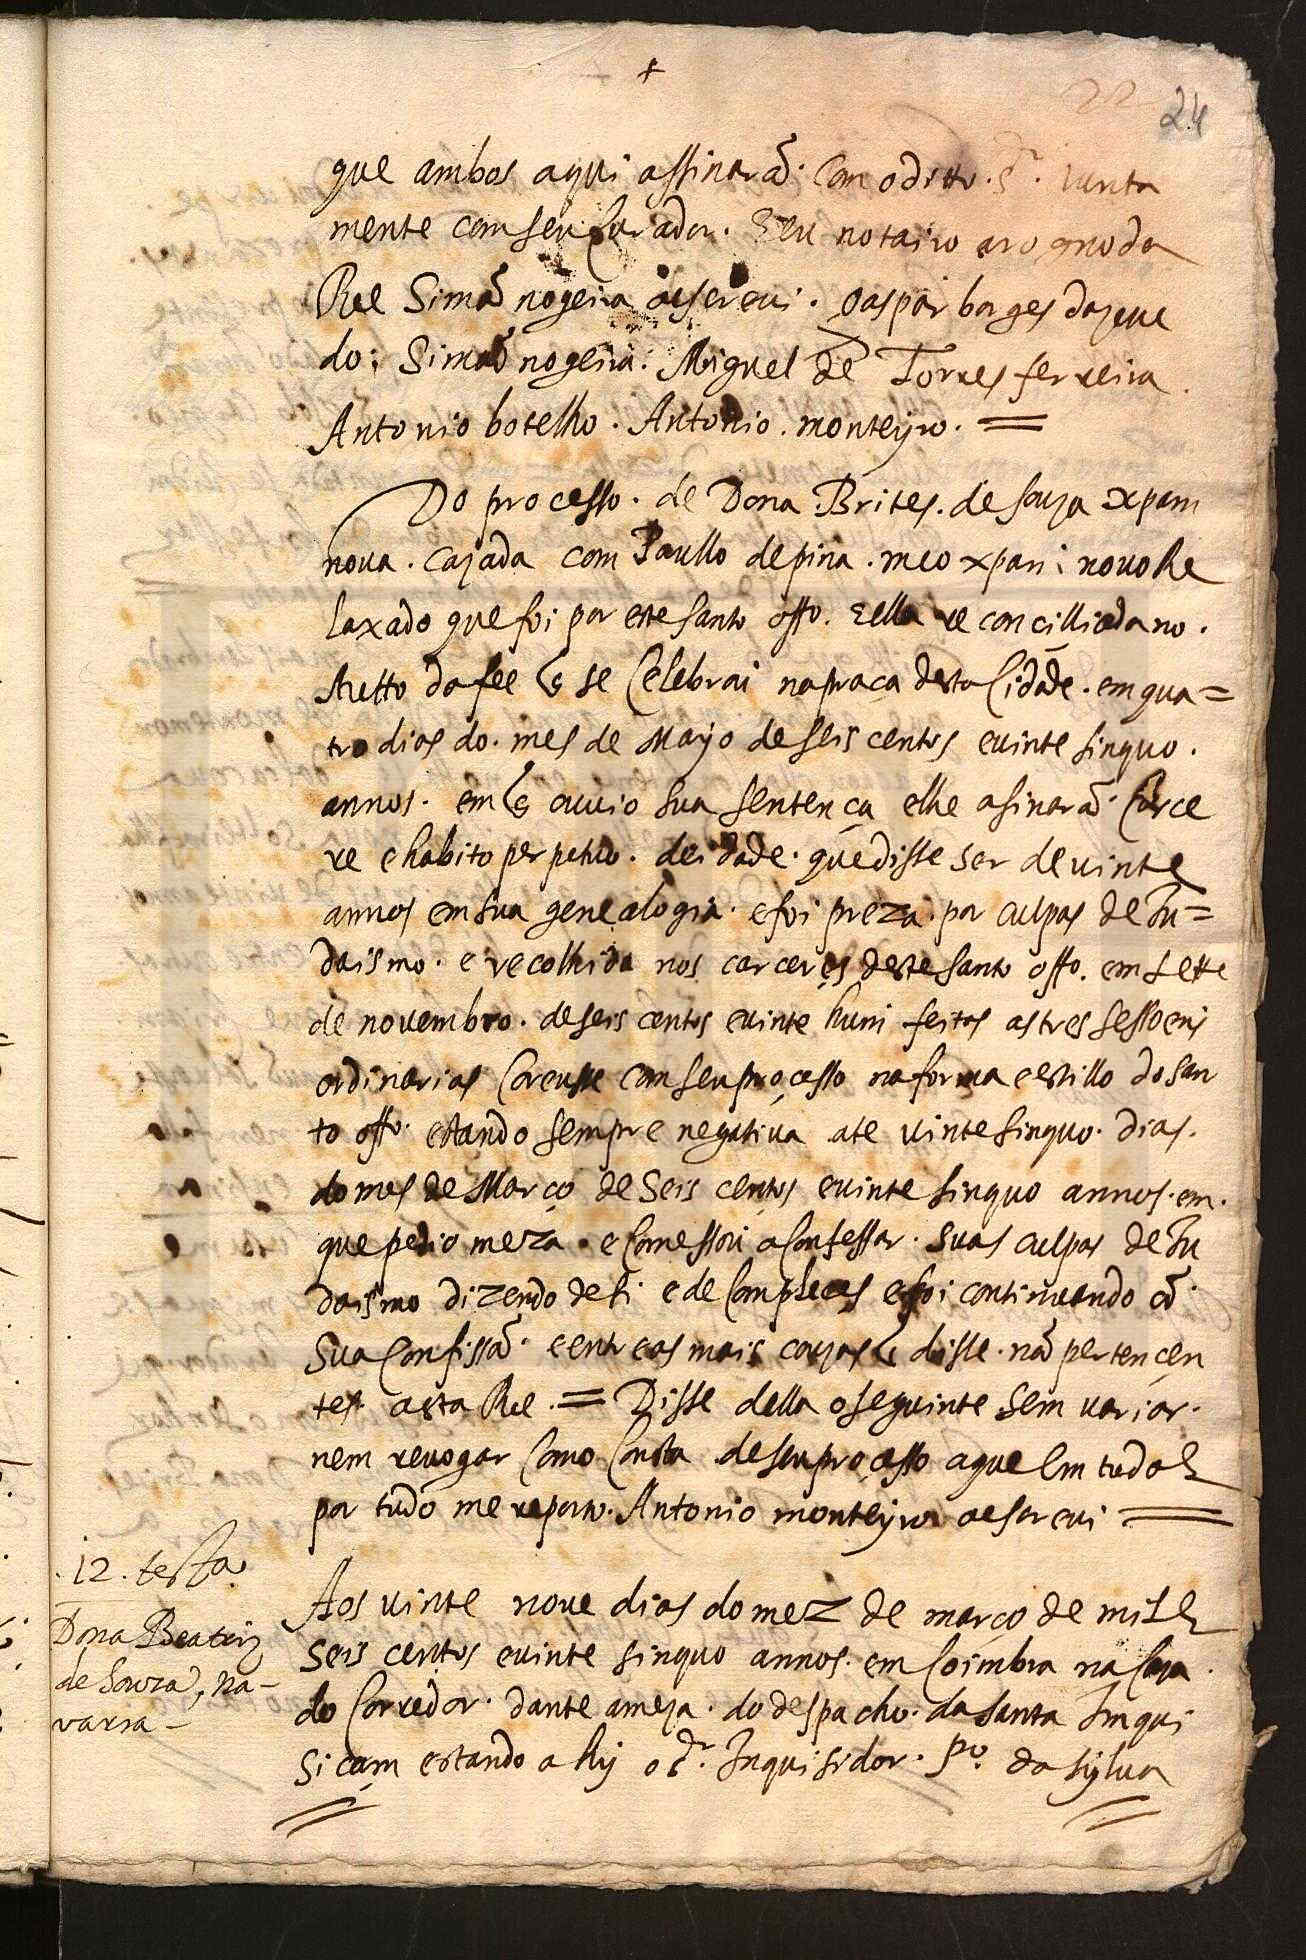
i2. testa.
Dona Beatriz
de Souza, na
varra
que ambos aqui assinaraõ com o ditto .sor. iunta
mente com seu Curador. E eu notairo a roguo da
Ree Simaõ nogeira o escreui. gaspar borges dazeue
do. Simaõ nogeira. Miguel de Torres ferreira
Antonio botelho. Antonio monteyro.
Do processo de Dona Brites de Souza xpam
noua cazada com Paullo de pina meo xpam nouo Re
laxado que foi por este santo offo. E ella reconcilliada no
Autto da fee q̄ se Celebrou na praça desta Cidade. em qua
tro dias do mes de Mayo de seiscentos e uinte sinquo
annos. em q̄ ouuio sua sentença e lhe asinarā. Carce
re e habito perpetuo de idade que disse ser de uinte
annos em sua genealogia e foi preza por culpas de Iu
daismo. e recolhida nos carceres deste santo offo. em sette
de nouembro de seiscentos e uinte hum feitas as tres sessoens
ordinarias Coreusse com seu processo na forma e estillo do san
to offo estando sempre negatiua ate uinte sinquo dias
do mes de Março de Seiscentos e uinte sinquo annos em
que pedio meza e Comessou a Confessar suas culpas de Iu
daismo dizendo de si e de Compleces e foi continuando cō
Sua Confissā e entre as mais couzas q̄ disse nā pertencen
tes a esta Ree = Disse della o seguinte sem uariar
nem reuogar Como Consta de seu processo a que em tudo E
por tudo me reporto. Antonio monteyro o escreui
Aos uinte noue dias do mez de março de miL E
seiscentos e uinte sinquo annos em Coimbra na Caza
do Corredor dante a meza do despacho da santa Imqui
Siçam estando ahy o sor. Inquisidor po. da sylua
